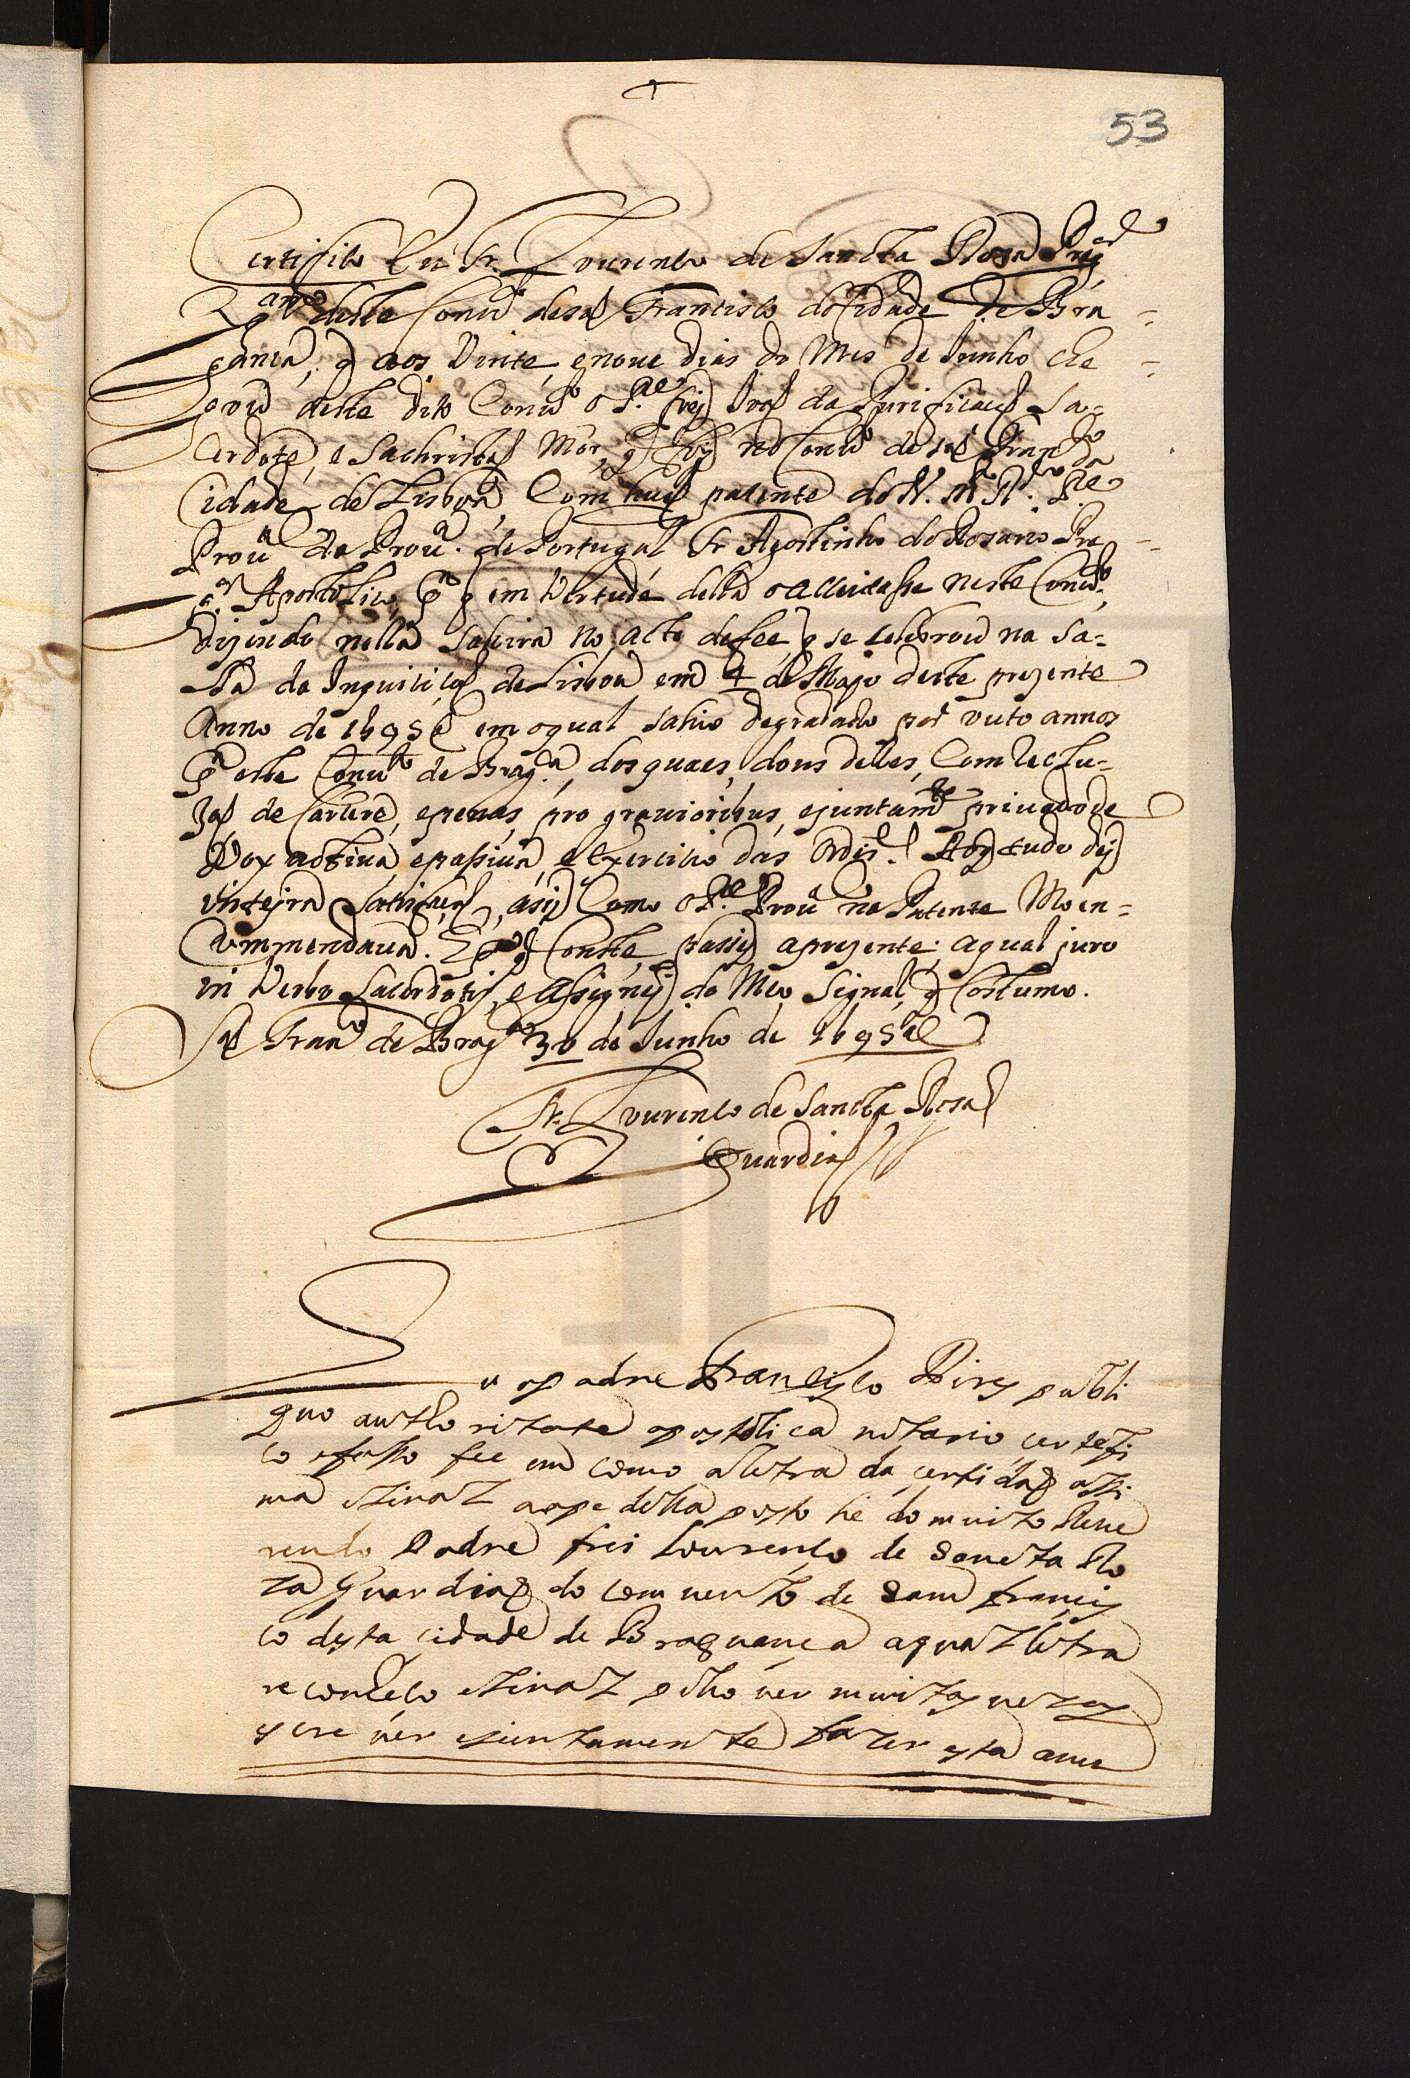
Certifico Eu Fr Lourenço de Sancta Roza Pregor
Rgam deste Conuto de saõ Francisco da Cidade de Bra
gança, q̄ aos Vinte e noue dias do mes de Iunho che
gou deste dito Conuto o P.e frej Ioaõ da Purificaçaõ sa
cerdote, e sachristaõ mor q̄ foy no Conto de saõ Franco
Cidade de Lisboa, Com huā patente de N. Mto R.do P.e
Proual da Prou.a de Portugal Fr Agostinho do Rosario Pre
g.or Apostolico, pa q̄ em Vertude della o acceitasse neste Conu.to,
dizendo nella sahira no acto da fee, q̄ se celebrou na sa
lla da Inquisiçaõ de Lisboa em 4 de Majo deste prezente
Anno de 1695 ā em o qual sahio degradado por outo annos
pa este Conuto de Brag.ça, dos quaes dous delles Com Reclu
zaõ de Carcere, e penas pro grauioribus, e juntamte priuado de
Vox actiua e passiua, e exercicio das ordēs. Ao q̄ tudo dej
intejra satisfaçaõ, assj̄ Como o P.e Proual na Patente Mo en
commendaua. E pa q̄ Conste passej a prezente, a qual juro
in Verbo Sacerdotis, e assignej do meo signal, q̄ Costumo.
Saõ Franco de Brag.ça 30 de Iunho de 1695 ā
Fr. Lourenço de Sancta Rosa
Guardiaõ
Eu o padre Francisco Pires publi
quo authoritate apostolica notario certefi
co e fasso fee em como a letra da certidaõ assi
ma e sinal ao pe della posto he do muito Reue
rendo Padre frei Lourenço de Sancta Ro
za Guardiaõ do comuento de sam francis
co desta cidade de Braguança a qual letra
reconheço e sinal pelo uer muitas uezes
escreuer e juntamente fazer esta a mi
